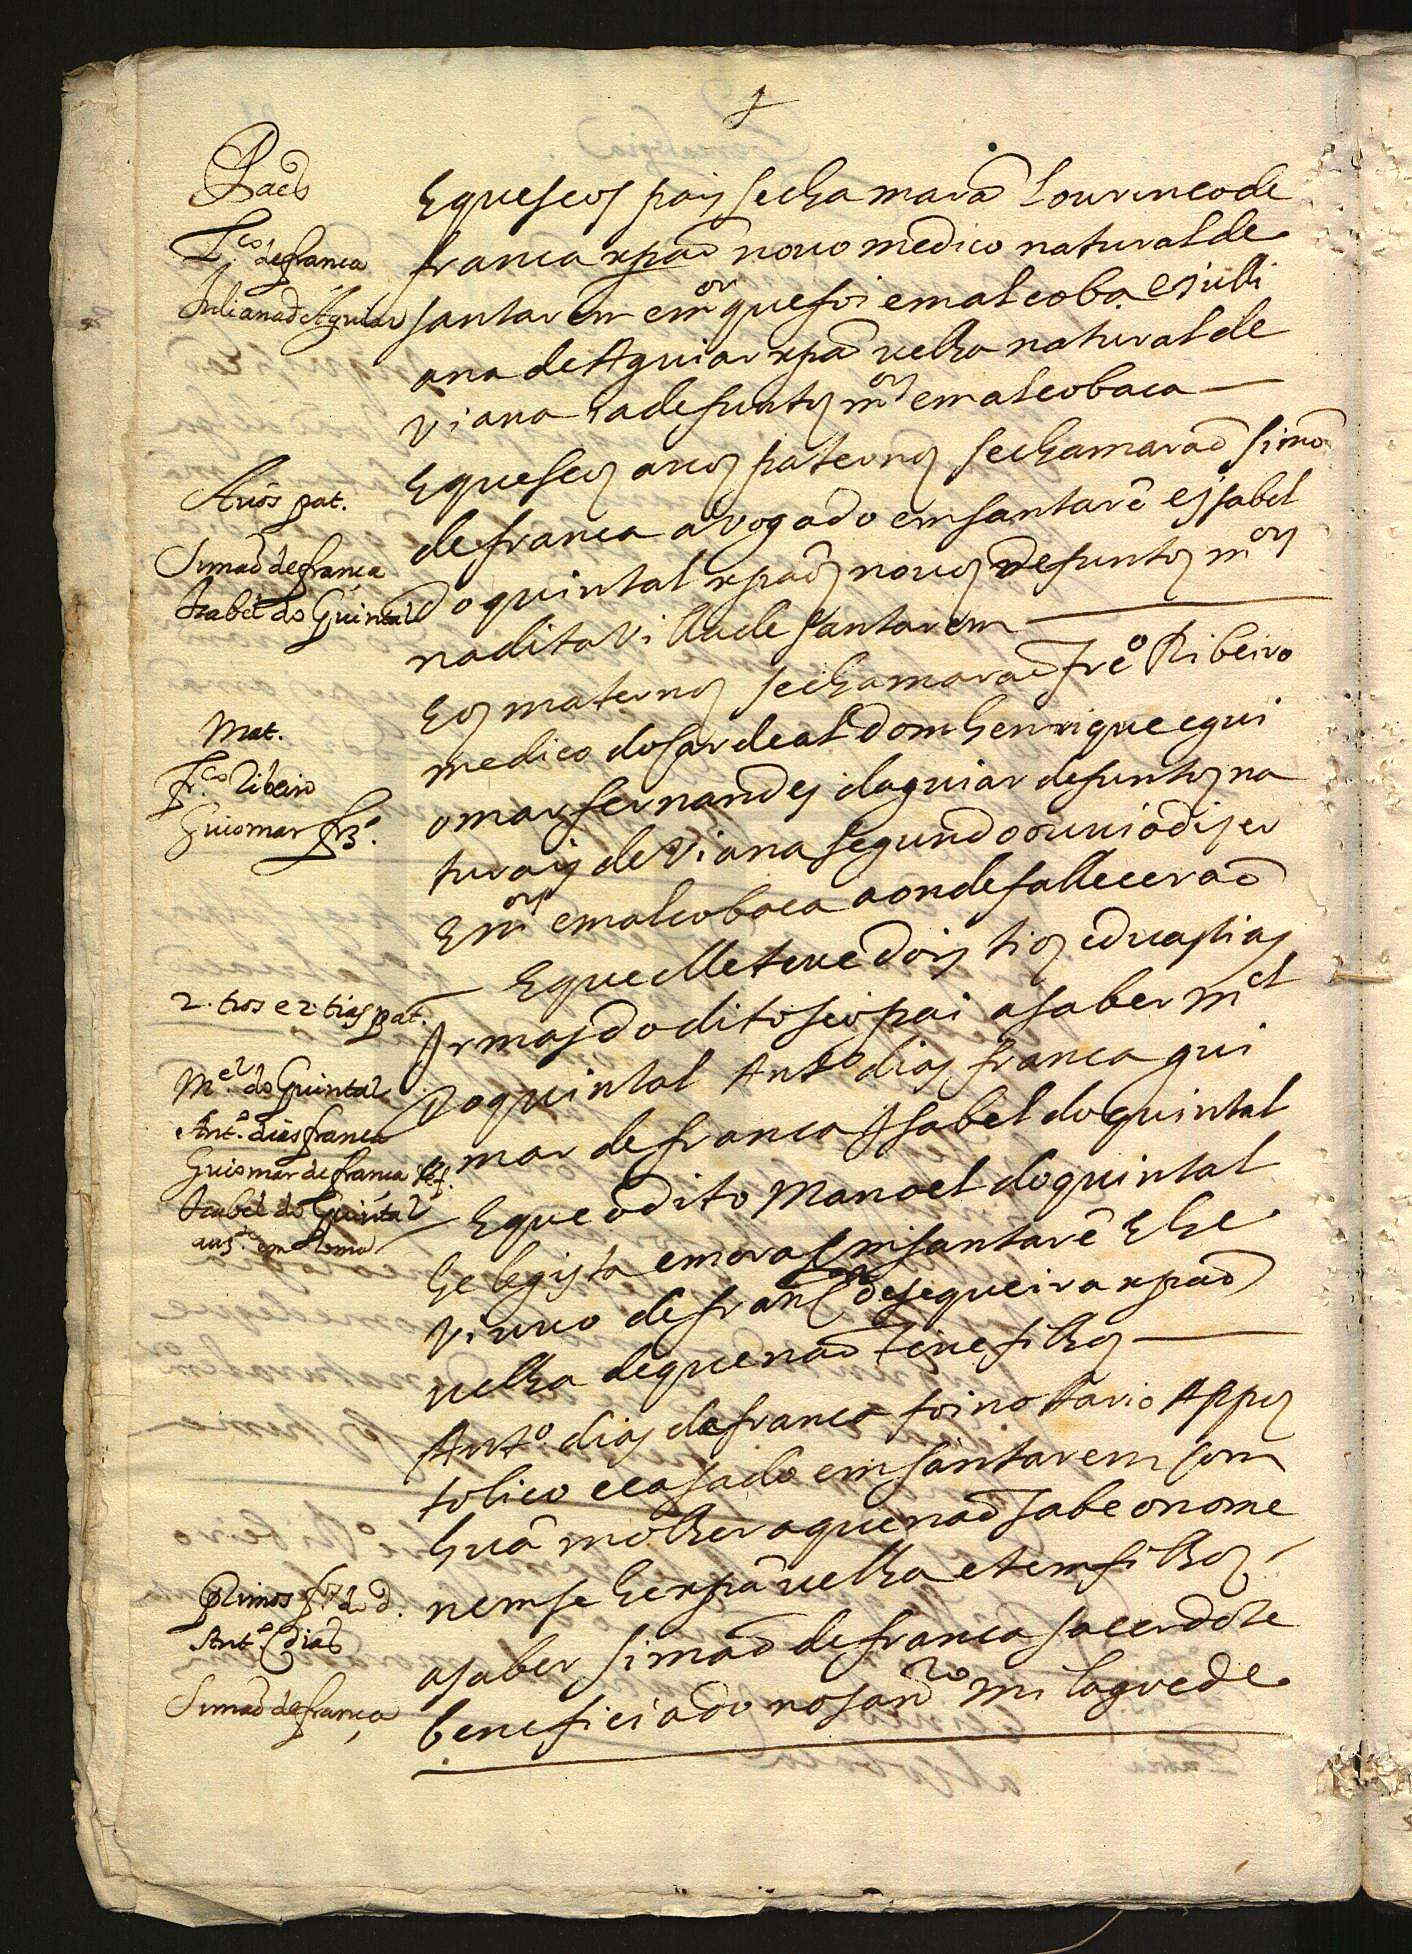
E que seos pais se chamaraõ Lourenco de
franca xpaõ nouo medico natural de
santarem e mor que foi em alcoba. e iulli
ana de Aguiar xpã uelha natural de
viana ia defuntos mors em alcobaca
E que seos auos paternos se chamaraõ simō
de franca avogado em santarē e jsabel
do quintal xpaõs nouos defuntos mors
na dita villa de santarem
E os maternos se chamaraõ frco Ribeiro
medico do Cardeal dom henrique e gui
omar fernandes daguiar defuntos na
turais de viana segundo ouuio dizer
E mors em alcobaca aonde falleceraõ
E que elle teue dois tios e duas tias
Irmas do dito seo pai a saber mel
do quintal Anto dias franca gui
mar de franca Jsabel do quintal
E que o dito Manoel do quintal
he legista e mora em santarē E he
viuuo de franCa de sequeira xpaõ
uelha de que naõ teue filhos
Anto dias de franca foi nottario Appos
tolico e casado em santarem Com
huā molher a que naõ sabe o nome
nem se he xpã uelha e tem filhos
a saber simão de franca sacerdote
beneficiado no sanro milagre de
Paes
L.co de frança
Iuliana de Aguilar
Auós pat.
Simaõ de frança
Izabel do Quintal
mat.
fr.co Ribeiro
Guiomar frz̄.
2. tios e 2. tias pāt.
M.el do Quintal
Ant.o dias frança
Guiomar de frança def.
Izabel do Quintal
auz.te em Roma
primos f.os do d.
Ant.o dias
Simaõ de frança
